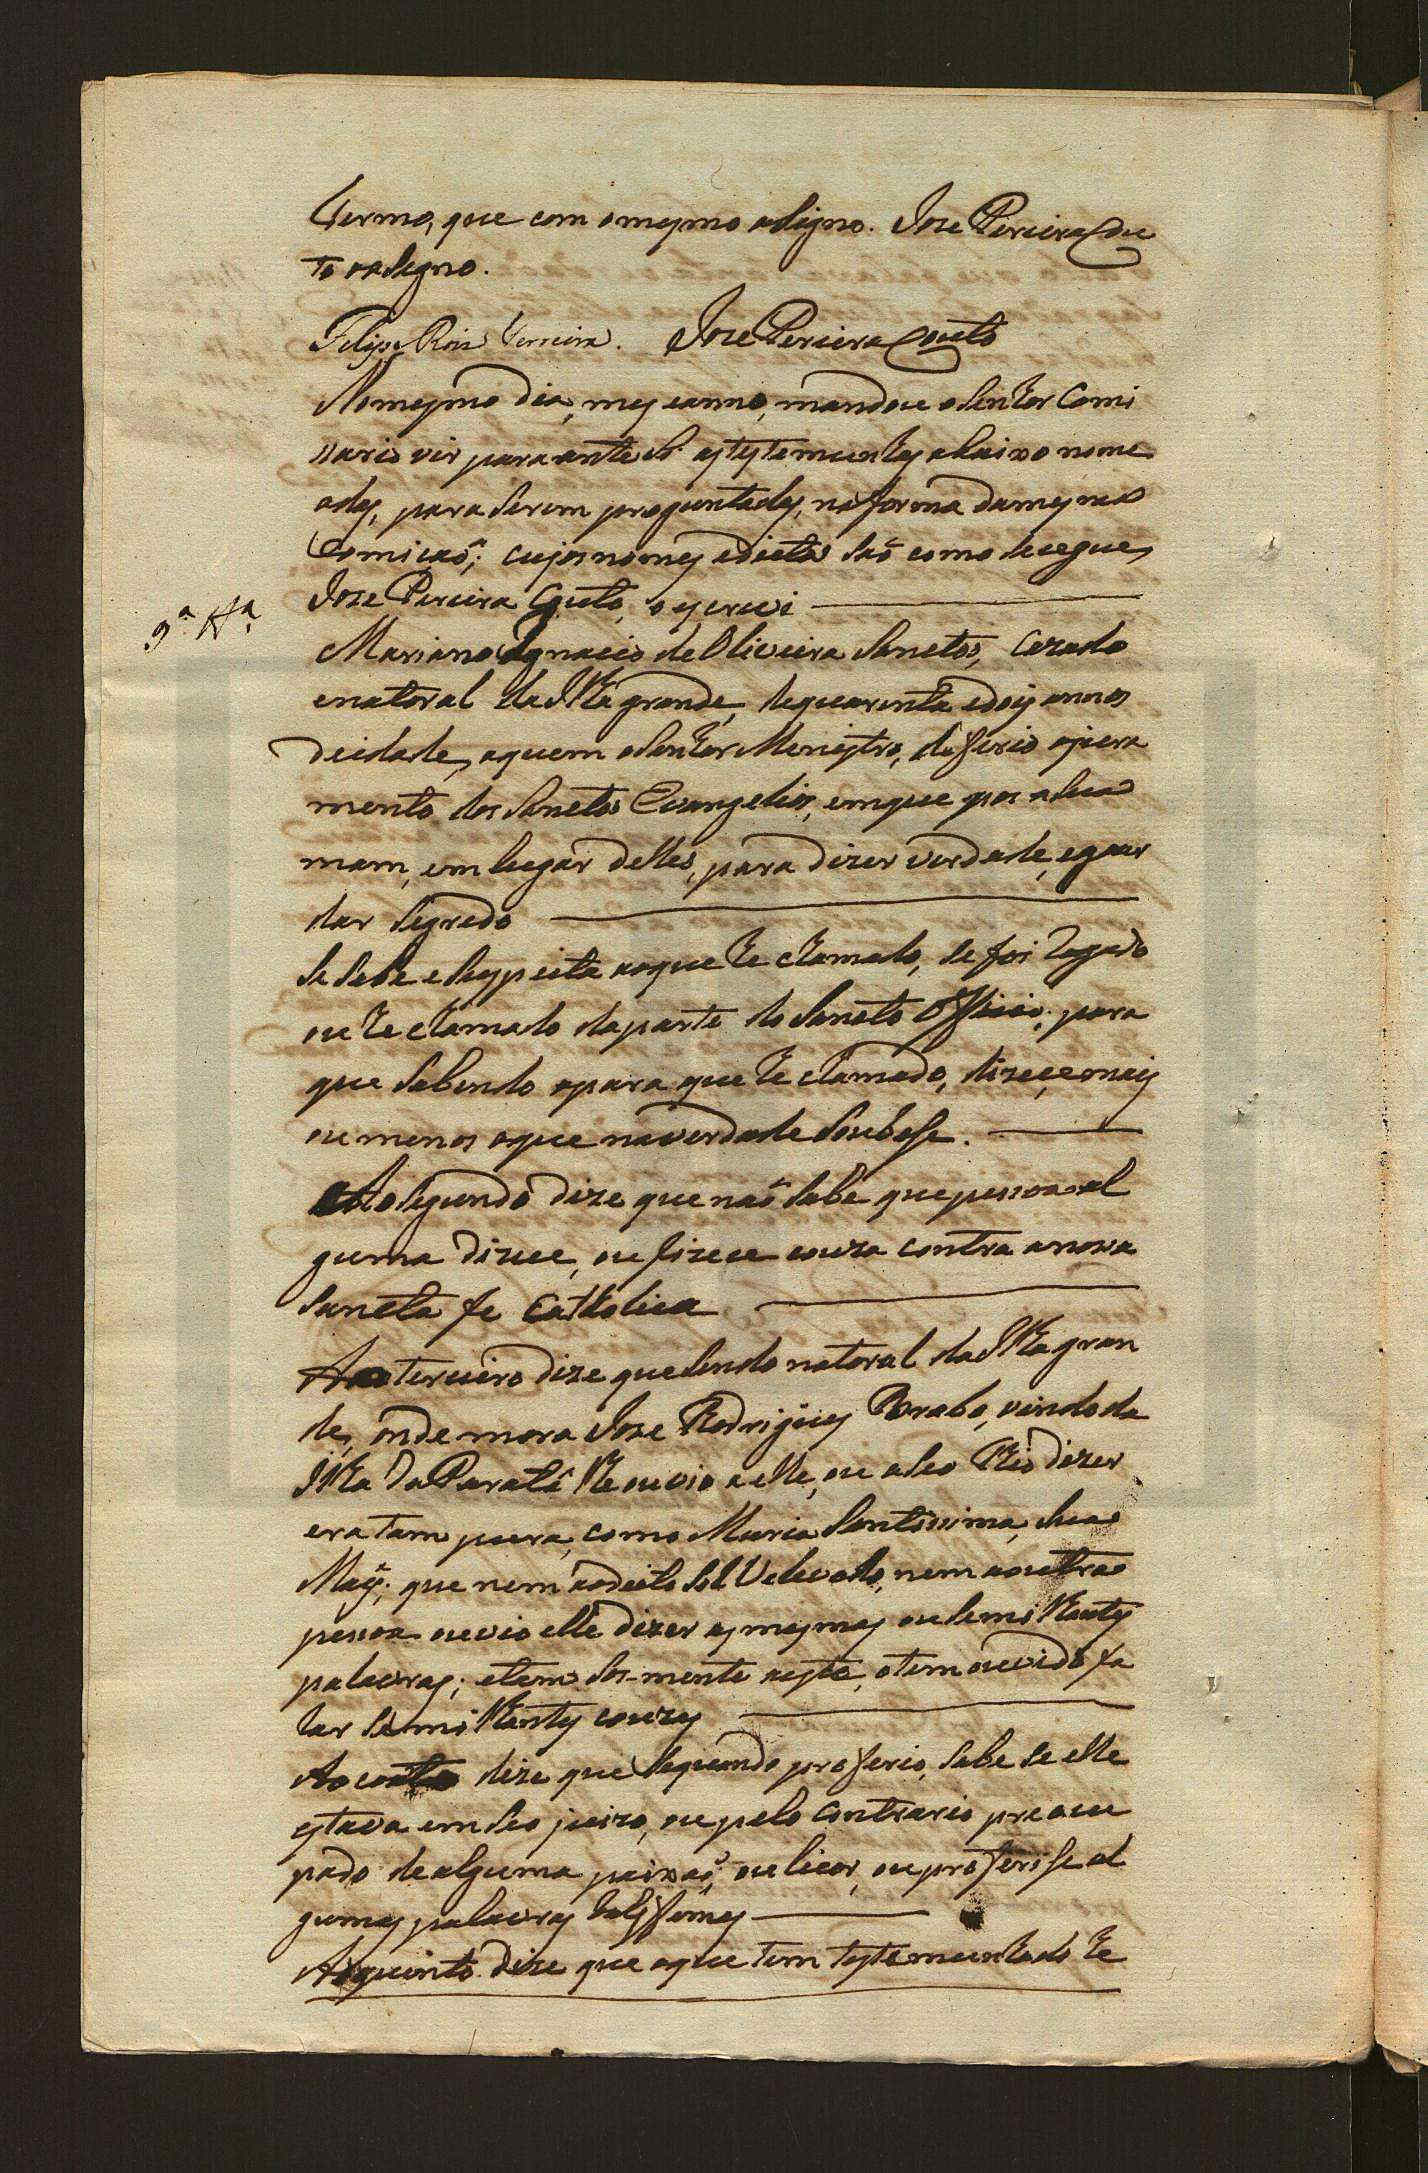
Termo, que com o mesmo asigno. Ioze Pereira Cou
to o asegno.
Felipe Roiz Ferreira. Ioze Pereira Couto
No mesmo dia mes e anno, mandou o Senhor Comi
ssario vir paraantte si as testemunhas abaixo nome
adas, para serem proguntadas, na forma da mesma
Comiçaõ; cujos nomes adicta saõ como se cegue
Ioze Pereira Couto, o escrevi
Mariano Ignacio de Oliveira Sanctos, cazado
e natoral da Ilha grande, de quarenta e dois annos
de idade, a quem o Senhor Menistro, deferio o jura
mento dos Sanctos Evangelios, em que pos a sua
mam, em lugar delles, para dizer verdade, e guar
dar Segredo
se sabe e suspeita ao que he chamado, se foi Rogado
ou he chamado da parte do Sancto Officio; para
que sabendo o para que he chamado, dizece mais
ou menos o que na verdade soubese
Ao segundo dize que naõ sabe que pessoa al
guma dizece, ou fizece couza contra a nossa
sancta fe catholica
Ao terceiro dize que sendo natoral da Ilha gran
de, onde mora Ioze Rodrigues Brabo, vindo da
Ilha da Paratá lhe ouvio a elle, ou a seo Thio dizer
era tam pura, como Maria santissima sua
May; que nem ao dicto sol Velevado, nem a outra
pessoa ouvio elle dizer as mesmas ou semilhantes
palavras; e tem sosmente nesta, o tem ouvido fa
lar semilhantes couzas
Ao corto dize que se quando proferio, sabe se elle
estava em seo juizo, ou pelo contrario preocu
pado de alguma paixaõ, ou licor, ou proferise al
gumas palavras balsfemas
Ao quinto dize que o que tem testemunhado he
